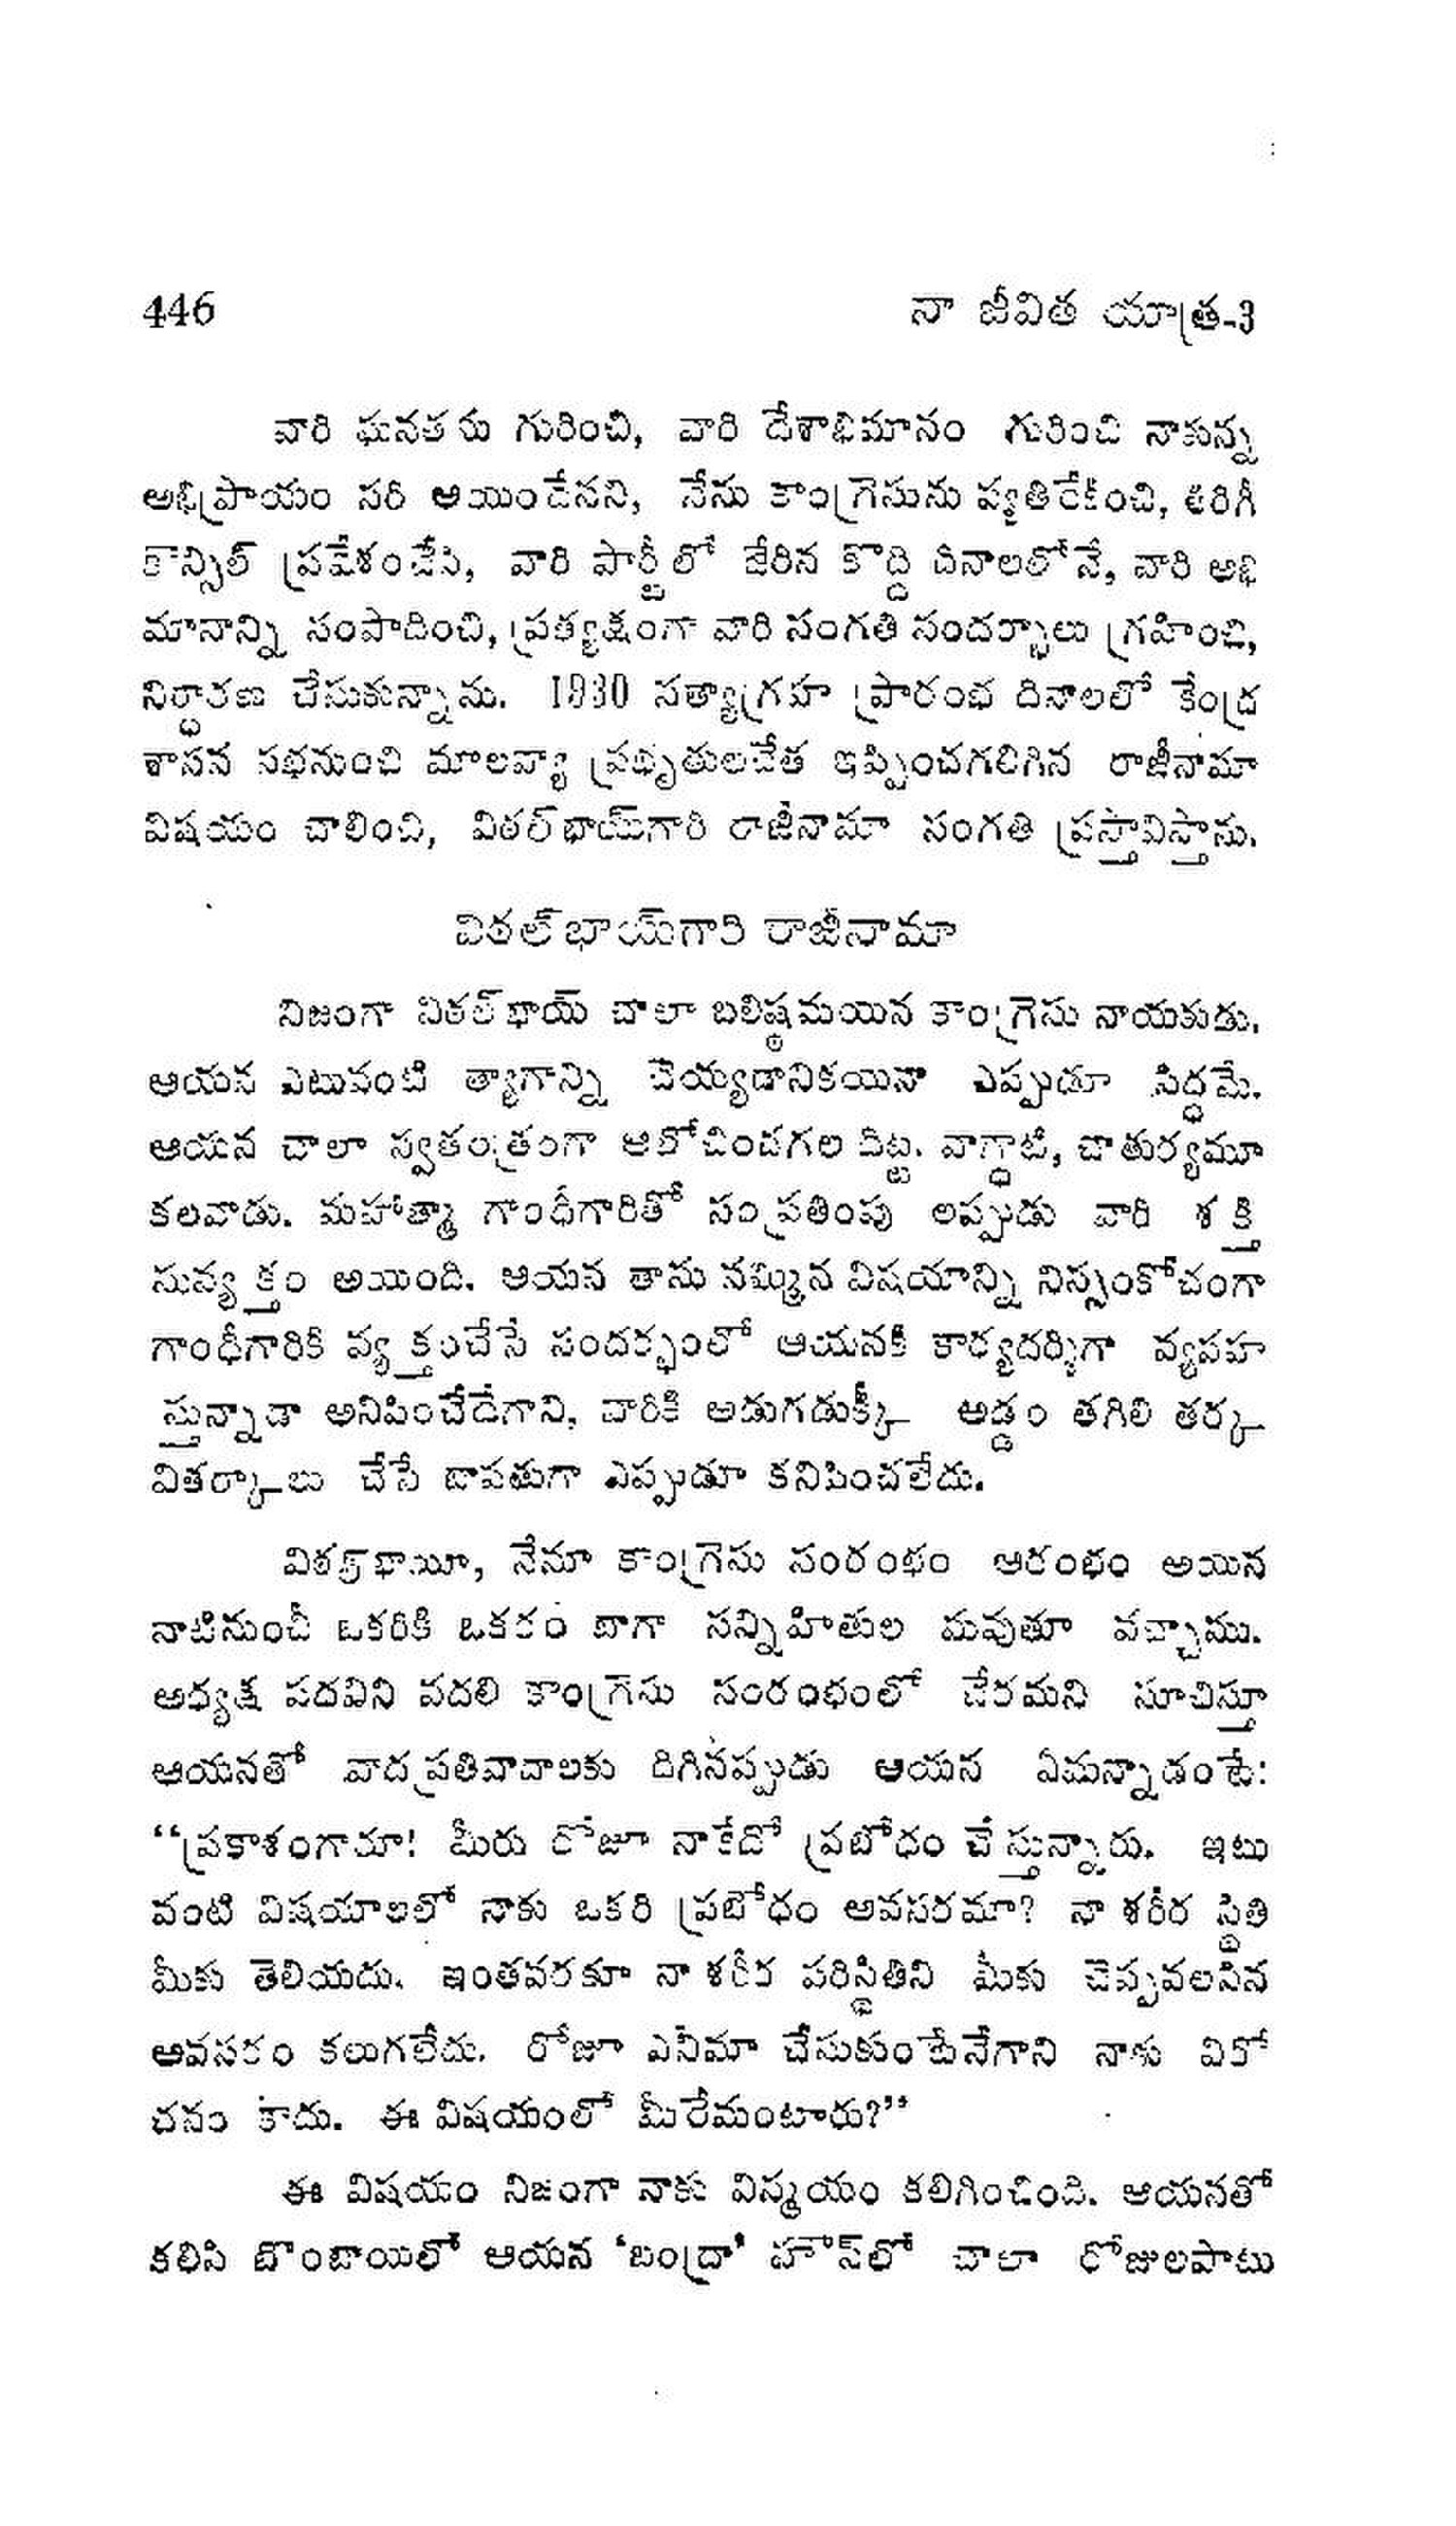వారి ఘనతను గురించి, వారి దేశాభిమానం గురించి నాకున్న అభిప్రాయం సరి అయిందేనని, నేను కాంగ్రెసును వ్యతిరేకించి, తిరిగీ కౌన్సిల్ ప్రవేశంచేసి, వారి పార్టీలో జేరిన కొద్ది దినాలలోనే, వారి అభిమానాన్ని సంపాదించి, ప్రత్యక్షంగా వారి సంగతి సందర్భాలు గ్రహించి, నిర్ధారణ చేసుకున్నాను. 1930 సత్యాగ్రహ ప్రారంభ దినాలలో కేంద్ర శాసన సభనుంచి మాలవ్యా ప్రభృతులచేత ఇప్పించగలిగిన రాజీనామా విషయం చాలించి, విఠల్‌భాయ్‌గారి రాజీనామా సంగతి ప్రస్తావిస్తాను.

నిజంగా విఠల్‌భాయ్ చాలా బలిష్ఠమయిన కాంగ్రెసు నాయకుడు. ఆయన ఎటువంటి త్యాగాన్ని చెయ్యడానికయినా ఎప్పుడూ సిద్ధమే. ఆయన చాలా స్వతంత్రంగా ఆలోచించగల దిట్ట. వాగ్దాటి, చాతుర్యమూ కలవాడు. మహాత్మా గాంధీగారితో సంప్రతింపు లప్పుడు వారి శక్తి సువ్యక్తం అయింది. ఆయన తాను నమ్మిన విషయాన్ని నిస్సంకోచంగా గాంధీగారికి వ్యక్తంచేసే సందర్భంలో ఆయనకి కార్యదర్శిగా వ్యవహరిస్తున్నాడా అనిపించేదేగాని, వారికి అడుగడుక్కీ అడ్డం తగిలి తర్క వితర్కాలు చేసే బాపతుగా ఎప్పుడూ కనిపించలేదు.

విఠల్‌భాయీ, నేనూ కాంగ్రెసు సంరంభం ఆరంభం అయిన నాటినుంచీ ఒకరికి ఒకరం బాగా సన్నిహితుల మవుతూ వచ్చాము. అధ్యక్ష పదవిని వదిలి కాంగ్రెసు సంరంభంలో చేరమని సూచిస్తూ ఆయనతో వాదప్రతివాదాలకు దిగినప్పుడు ఆయన ఏమన్నాడంటే: "ప్రకాశంగారూ! మీరు రోజూ నాకేదో ప్రబోదం చేస్తున్నారు. ఇటువంటి విషయాలలో నాకు ఒకరి ప్రబోదం అవసరమా? నా శరీర స్థితి మీకు తెలియదు. ఇంతవరకూ నా శరీర పరిస్థితిని మీకు చెప్పవలసిన అవసరం కలుగలేదు. రోజూ ఎనీమా చేసుకుంటేనేగాని నాకు విరోచనం కాదు. ఈ విషయంలో మీరేమంటారు?"

ఈ విషయం నిజంగా నాకు విస్మయం కలిగించింది. ఆయనతో కలిసి బొంబాయిలో ఆయన 'బంద్రా' హౌస్‌లో చాలా రోజులపాటు